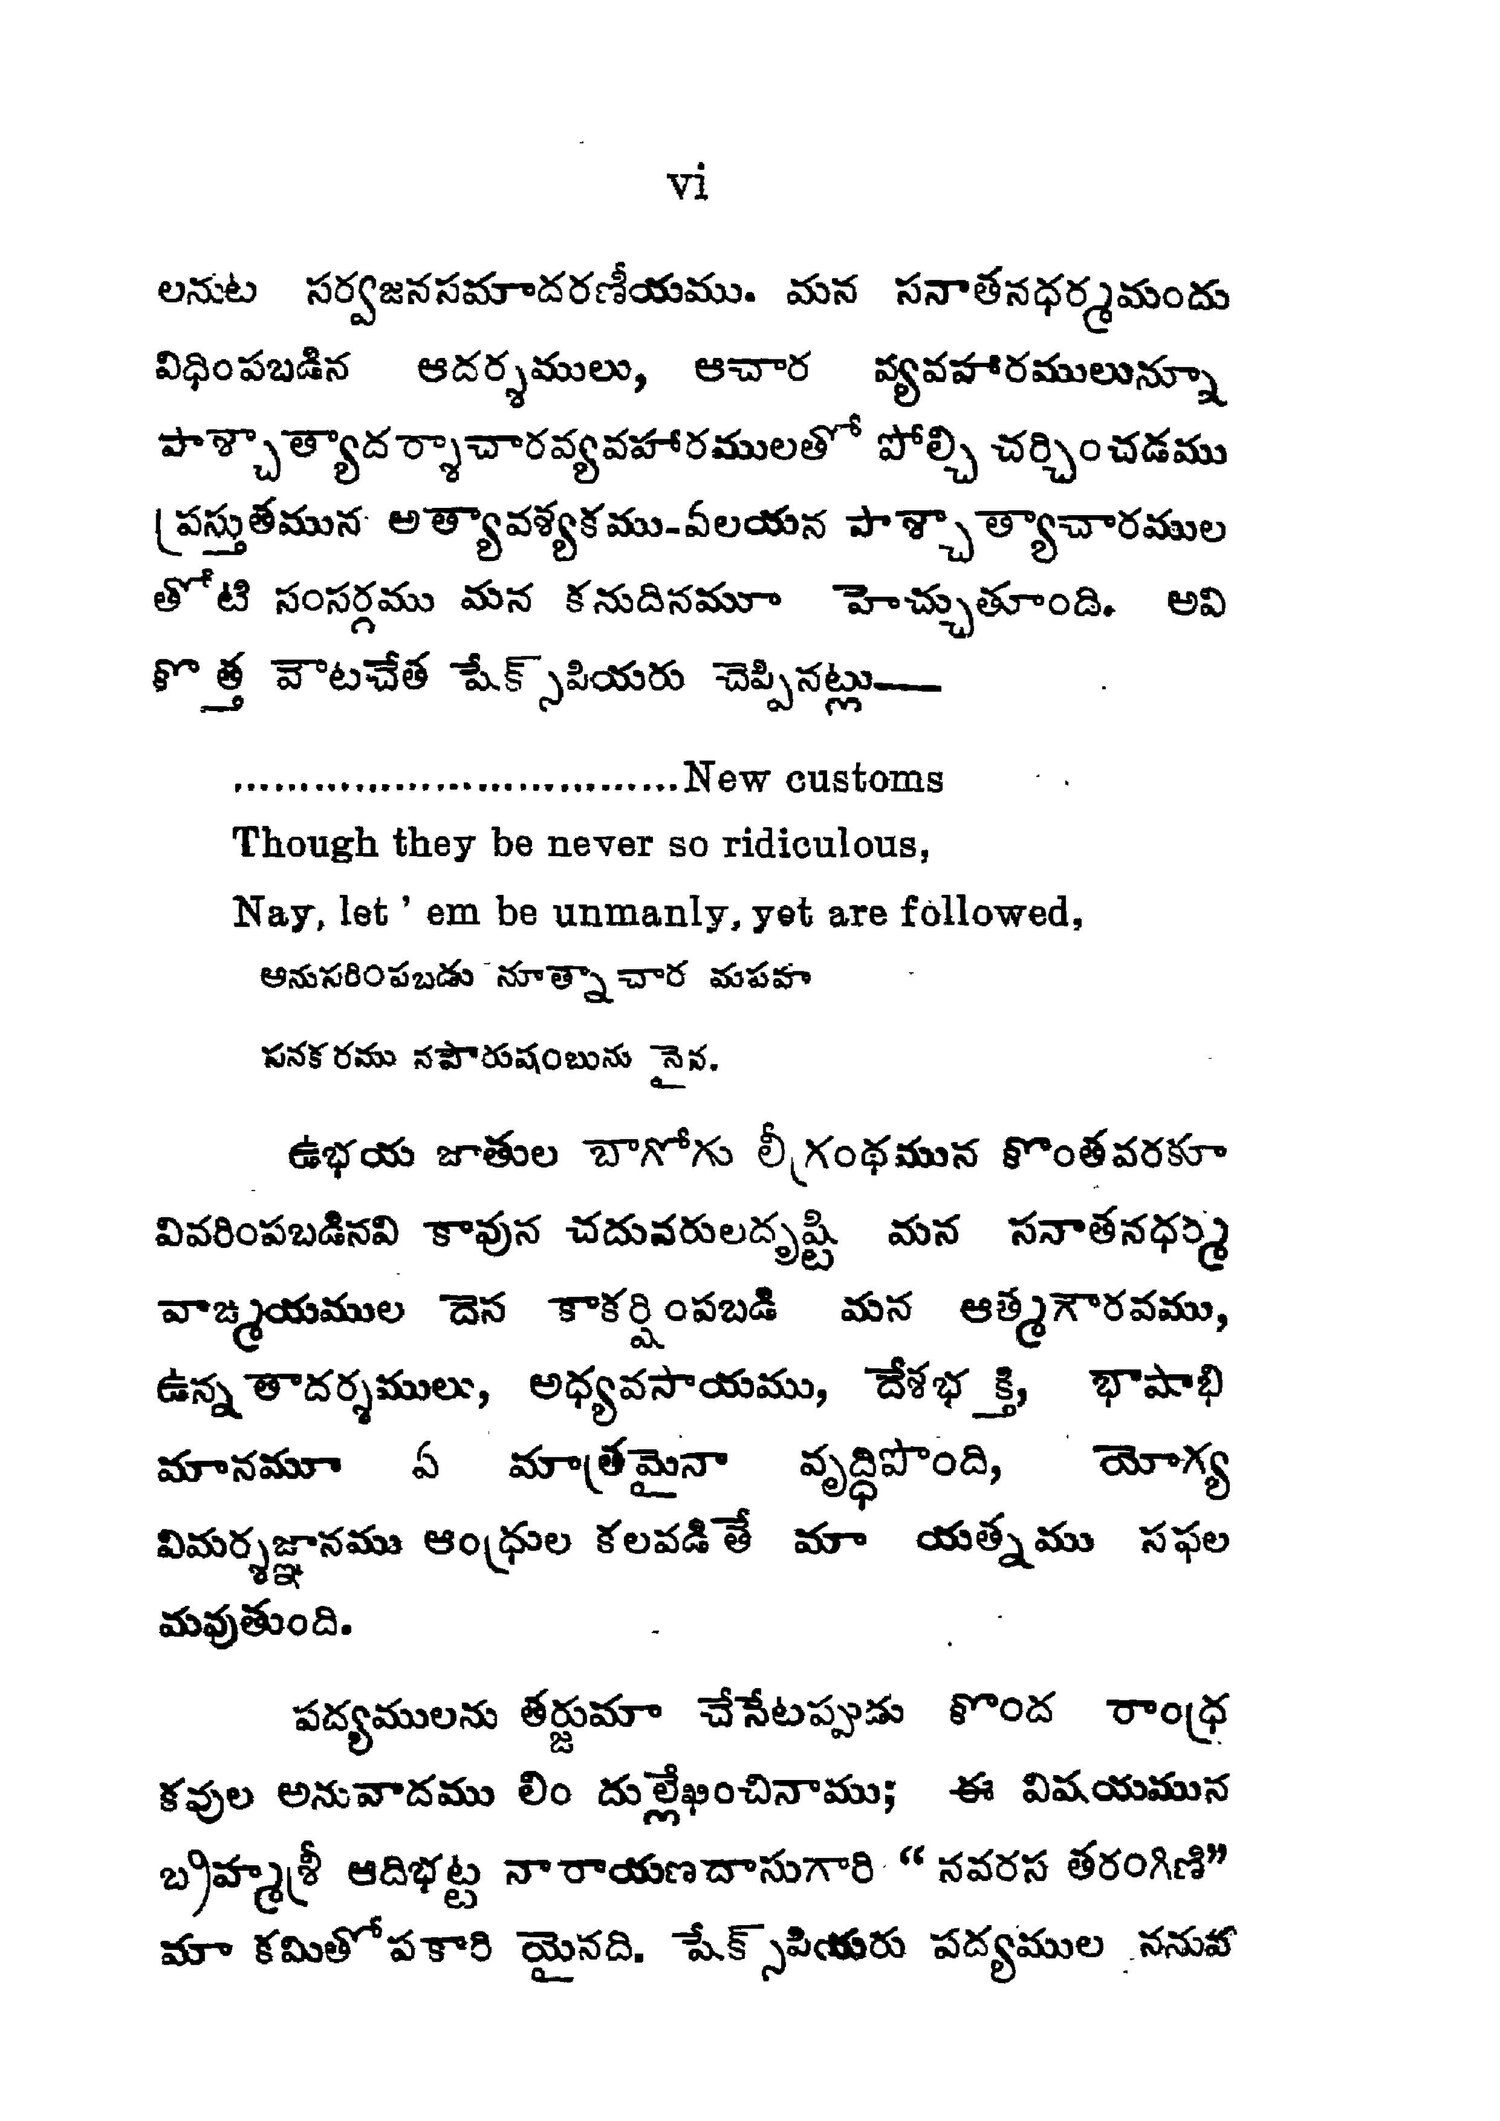లనుట సర్వజనసమాదరణీయము. మన సనాతనధర్మమందు విధింపబడిన ఆదర్శములు, ఆచార వ్యవహారములున్నూ పాశ్చాత్యాదర్శాచారవ్యవహారములతో పోల్చి చర్చించడము ప్రస్తుతమున అత్యావశ్యకము-ఏలయన పాశ్చాత్యాచారముల తోటి సంసర్గము మన కనుదినమూ హెచ్చూతూంది. అవి కొత్త వౌటచేత షేక్స్‌పియరు చెప్పినట్లు -

...............................................New customs

Though they be never so ridiculous,

Nay, let' em be unmanly, yet are followed,

అనుసరింపబడు నూత్నాచార మపహ

సనకరము నపౌరుషంబును సైన.

ఉభయ జాతుల బాగోగు లీగ్రంథమున కొంతవరకూ వివరింపబడినవి కావున చదువరులదృష్టి మన సనాతనధర్మ వాఙ్మయముల దెస కాకర్షింపబడి మన ఆత్మగౌరవము, ఉన్న తాదర్శములు, అధ్యవసాయము, దేశభక్తి భాషాభిమానమూ ఏ మాత్రమైనా వృద్ధిపొంది, యోగ్య విమర్శజ్ఞానము ఆంధ్రుల కలవడితే మా యత్నము సఫలమవుతుంది.

పద్యములను తర్జుమా చేసేటప్పుడు కొంద రాంధ్ర కవుల అనువాదము లిం దుల్లేఖించినాము; ఈ విషయమున బ్రహ్మశ్రీ ఆదిభట్ట నారాయణదాసుగారి "నవరస తరంగిణి" మా కమితోపకారి యైనది. షేక్స్‌పియరు పద్యముల ననువ